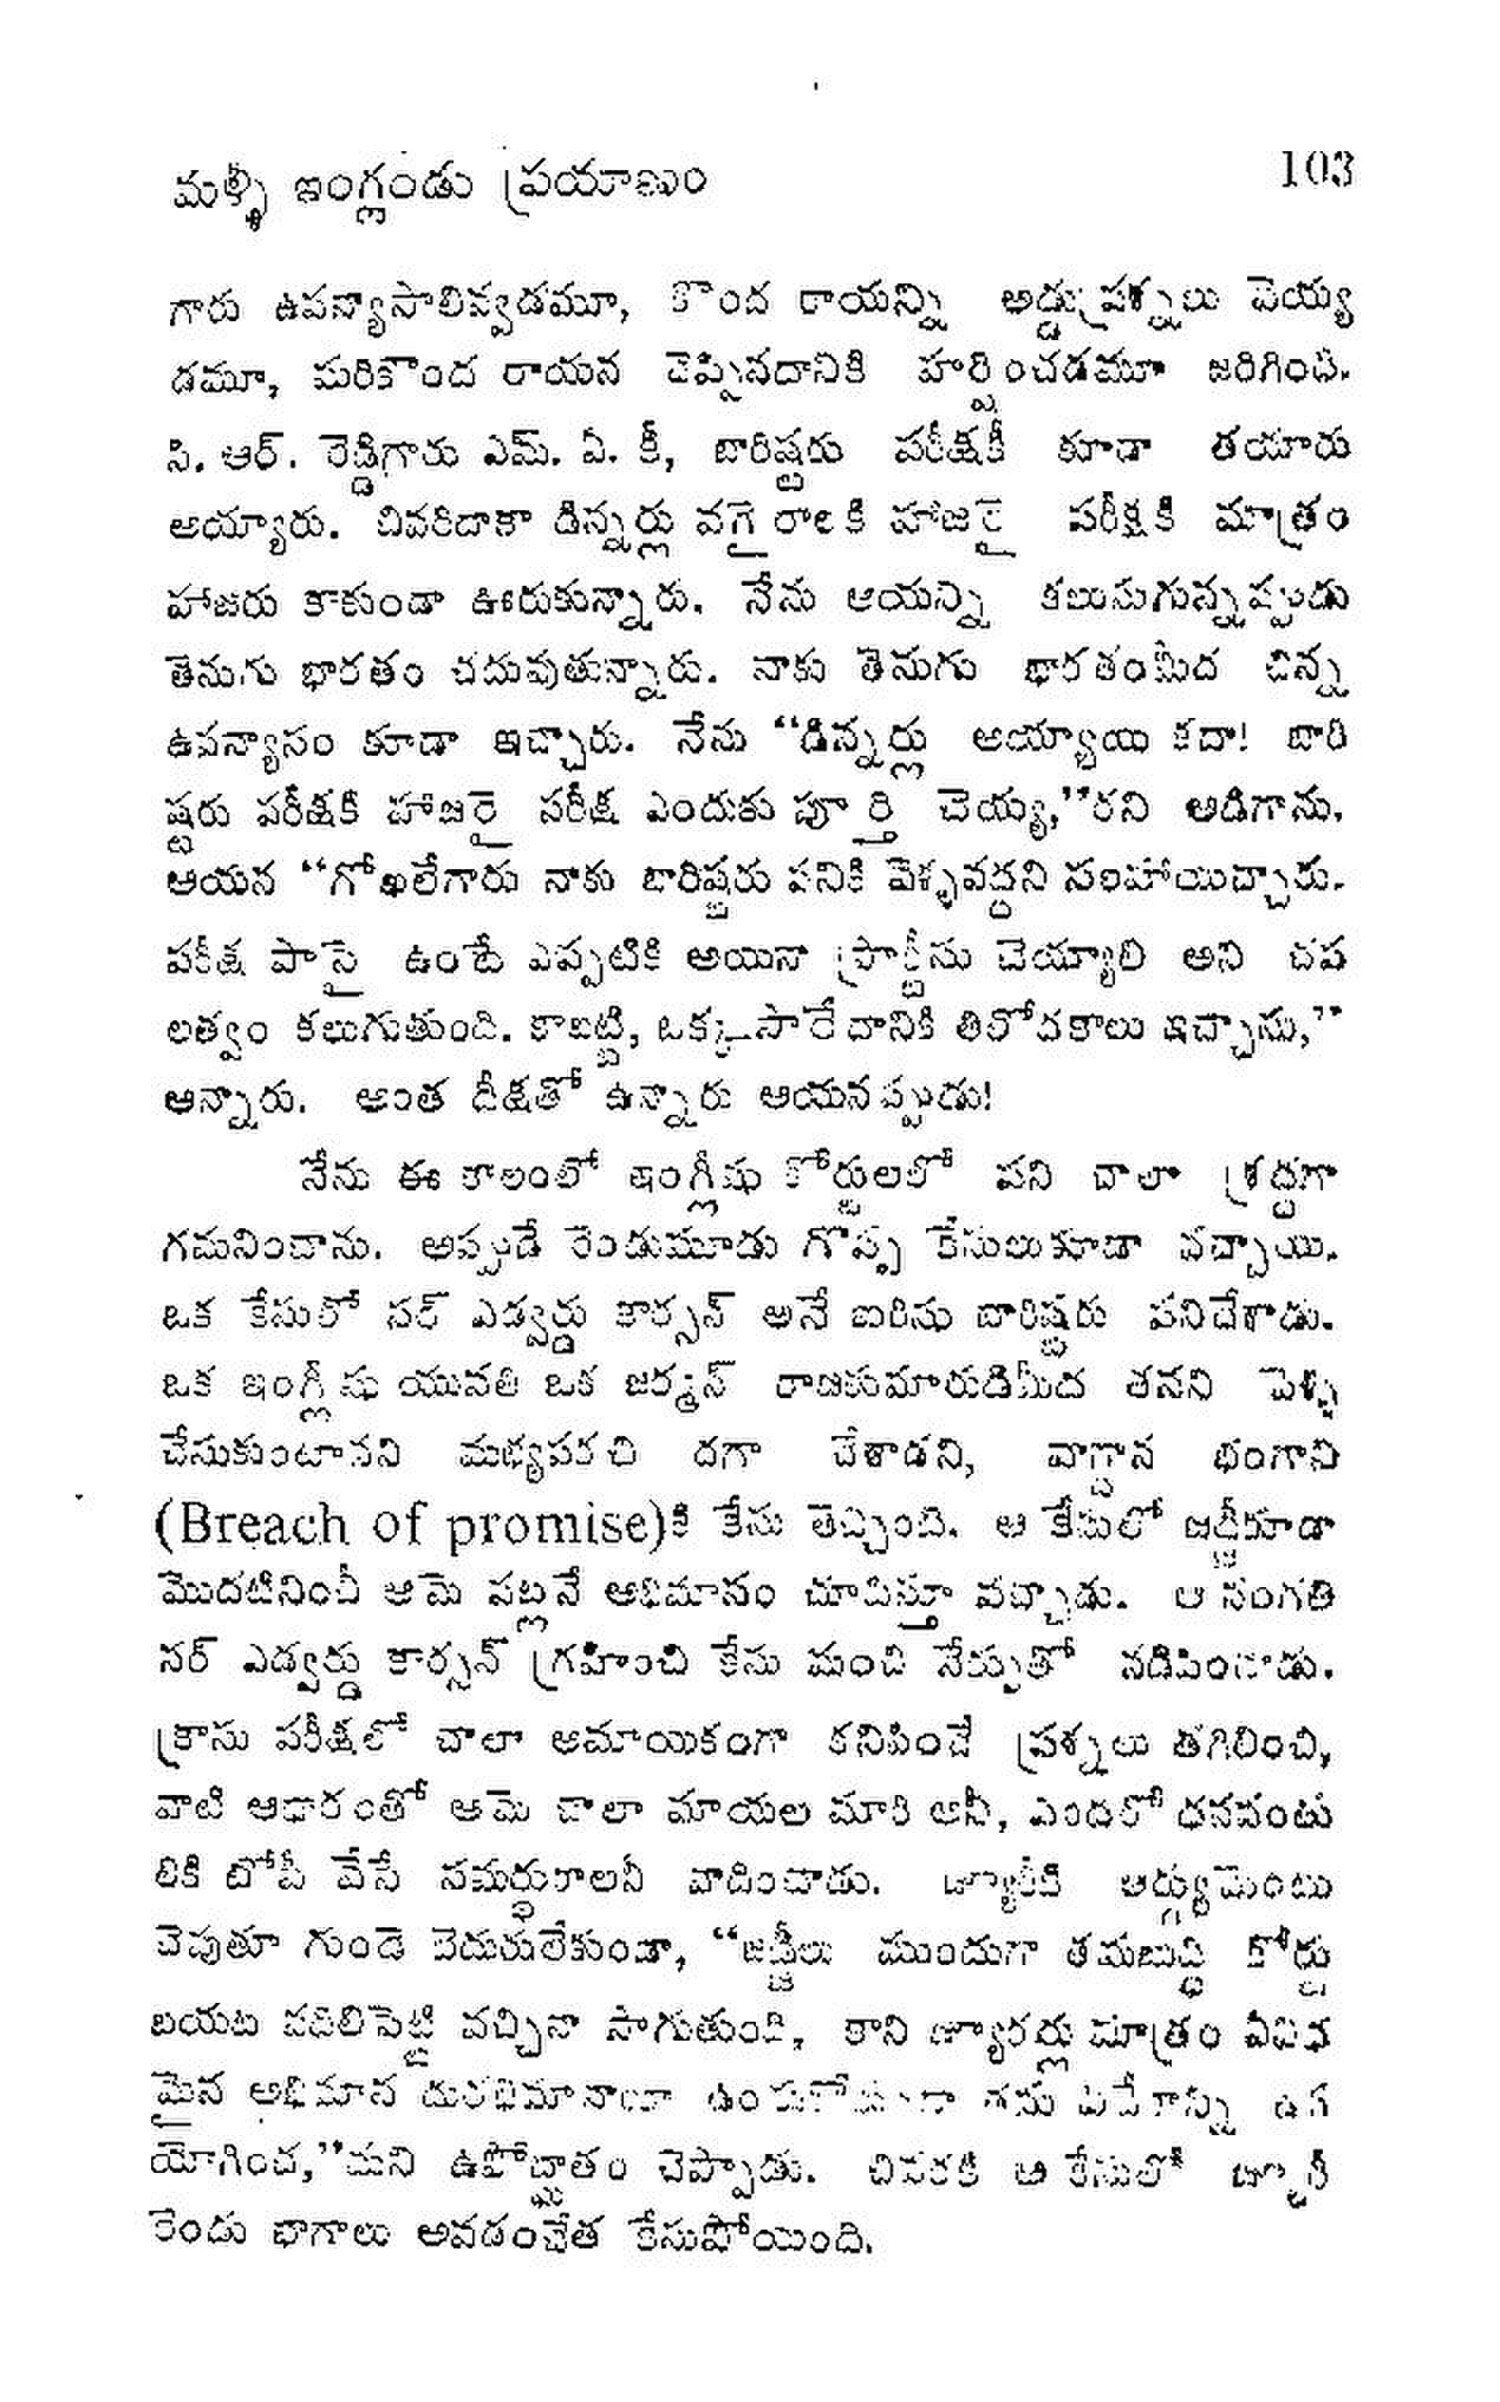గారు ఉపన్యాసాలివ్వడమూ, కొంద రాయన్ని అడ్డుప్రశ్నలు వెయ్యడమూ, మరికొంద రాయన చెప్పినదానికి హర్షించడమూ జరిగింది. సి. ఆర్. రెడ్డిగారు ఎం. ఏ. కీ, బారిష్టరు పరీక్షకీ కూడా తయారు అయ్యారు. చివరిదాకా డిన్నర్లు వగైరాలకు హాజరై పరీక్షకి మాత్రం హాజరు కాకుండా ఊరుకున్నారు. నేను ఆయన్ని కలుసుగున్నప్పుడు తెనుగు భారతం చదువుతున్నారు. నాకు తెనుగు భారతంమీద చిన్న ఉపన్యాసం కూడా ఇచ్చారు. నేను "డిన్నర్లు అయ్యాయి కదా! బారిష్టరు పరీక్షకి హాజరై పరీక్ష ఎందుకు పూర్తి చెయ్య,"రని అడిగాను. ఆయన "గోఖలేగారు నాకు బారిష్టరు పనికి వెళ్ళవద్దని సలహాయిచ్చారు. పరీక్ష పాసై ఉంటే ఎప్పటికి అయినా ప్రాక్టీసు చెయ్యాలి అని చపలత్వం కలుగుతుంది. కాబట్టి, ఒక్కసారేదానికి తిలోదకాలు ఇచ్చాను" అన్నారు. అంత దీక్షతో ఉన్నారు ఆయనప్పుడు!

నేను ఈ కాలంలో ఇంగ్లీషు కోర్టులలో పని చాలా శ్రద్దగా గమనించాను. అప్పుడే రెండుమూడు గొప్ప కేసులుకూడా వచ్చాయి. ఒక కేసులో సర్ ఎడ్వర్డు కార్సన్ అనే ఐరిషు బారిష్టరు పనిచేశాడు. ఒక ఇంగ్లీషు యువతి ఒక జర్మన్ రాజకుమారుడిమీద తనని పెళ్ళి చేసుకుంటానని మభ్యపరచి దగా చేశాడని, వాగ్దాన భంగాని (Breach of promise) కి కేసు తెచ్చింది. ఆ కేసులో జడ్జీకూడా మొదటినించీ ఆమె పట్లనే అభిమానం చూపిస్తూ వచ్చాడు. ఆ సంగతి సర్ ఎడ్వర్డు కార్సన్ గ్రహించి కేసు మంచి నేర్పుతో నడిపించాడు. క్రాసు పరీక్షలో చాలా అమాయికంగా కనిపించే ప్రశ్నలు తగిలించి, వాటి ఆధారంతో ఆమె చాలా మాయల మారి అనీ, ఎందరో ధనవంతులికి టోపీ వేసే సమర్థురాలనీ వాదించాడు. జ్యూరీకి ఆర్గ్యుమెంటు చెపుతూ గుండె బెదురులేకుండా, "జడ్జీలు ముందుగా తమబుద్ధి కోర్టు బయట వదిలిపెట్టి వచ్చినా సాగుతుంది, కాని జ్యూరర్లు మాత్రం వివిధమైన అభిమాన దురభిమానాలూ ఉంచుకోకుండా తమ వివేకాన్ని ఉపయోగించ,"మని ఉపోద్ఘాతం చెప్పాడు. చివరకి ఆ కేసులో జ్యూరీ రెండు భాగాలు అవడంచేత కేసుపోయింది.